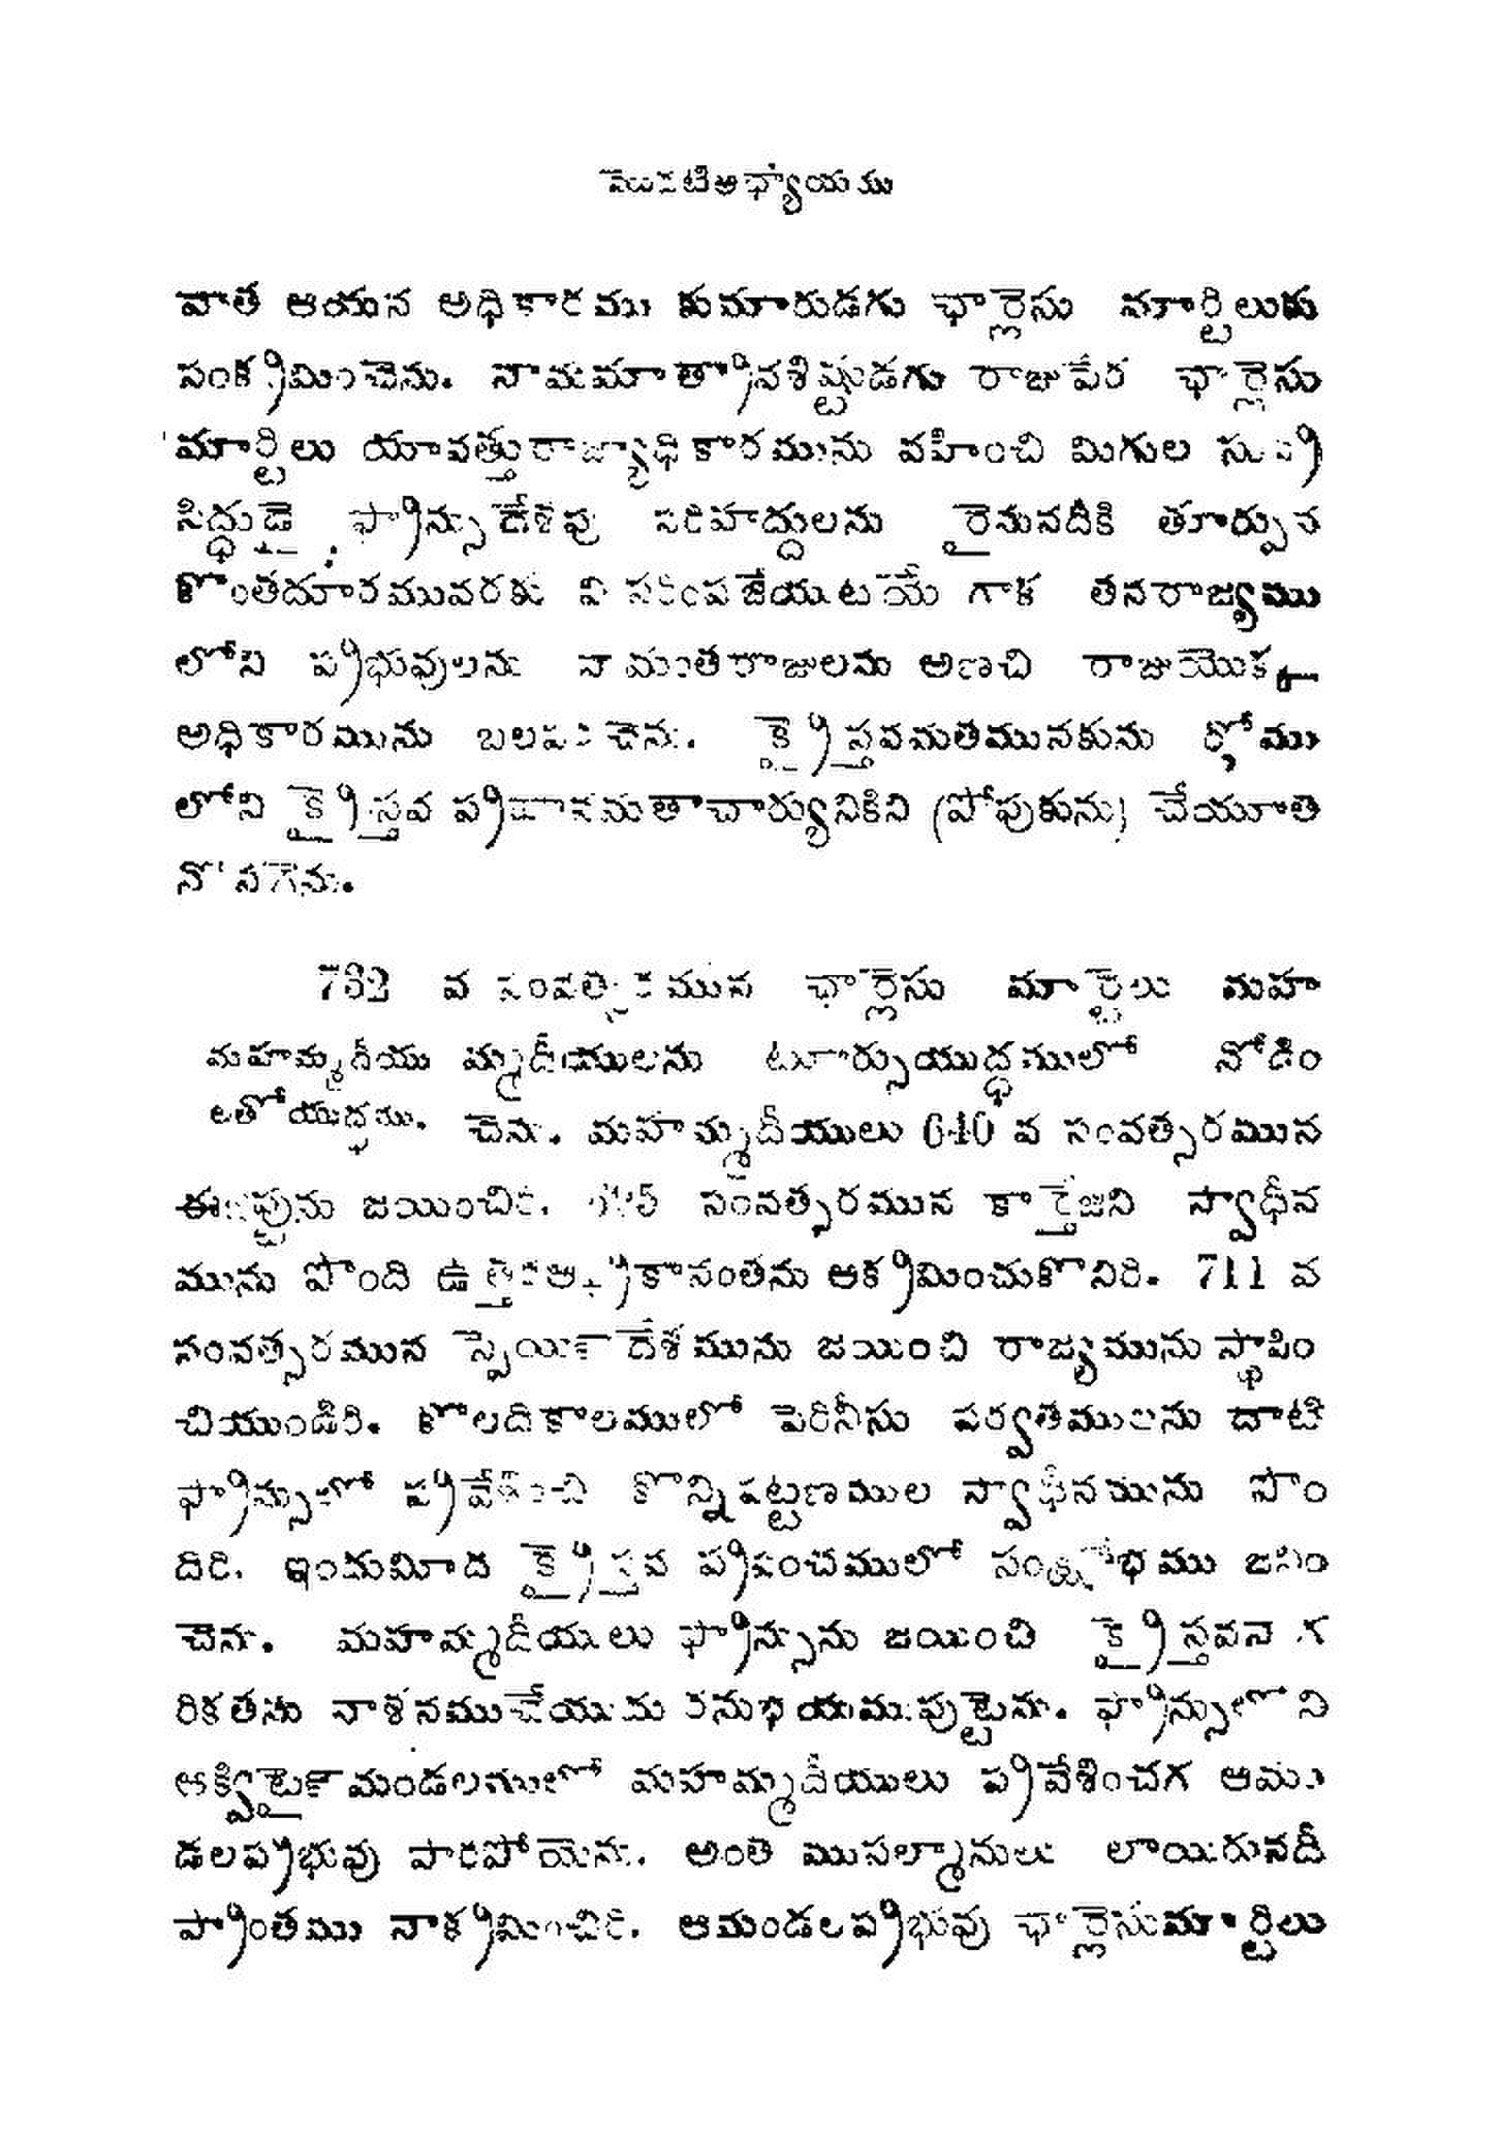వాత ఆయన అధికారము కుమారుడగు ఛార్లెసు మార్టిలుకు
సంక్రమించెను. నామమా త్రావశిష్టుడగు రాజు పేర ఛార్లెసు
'మార్టిలు యావత్తు రాజ్యాధి కారమును వహించి మిగుల సుప్ర
సిద్ధుడై , ఫ్రాన్సు దేశపు సరిహద్దులను రైసునదికి తూర్పున
గొంతదూరమువరకు విస్తరింప జేయుటయే గాక తన రాజ్యము
లోని ప్రభువులనుసామంతరాజులను అణచిరాజు యొక్క
అధికారమును బలపరచెను.. క్రైస్తవమతమునకును రోము
లోని క్రైస్తవ ప్రధానమతాచార్యునికిని (పోపుకును); చేయూత
నొసగెను.

732 వ సంవత్సరమున చార్లెసు మార్టెలు మహ
మ్మదీయులను టూర్సు యుద్ధములో
నోడించెను. మహమ్మదీయులు 640 వ సంవత్సరమున
ఈజిప్టును జయించిరి.. ఈ సంవత్సరమున కార్తెజుని స్వాధీన
మును పొంది ఉత్తర ఆప్రికానంతను ఆక్రమించుకొనిరి. 711 వ
సంవత్సరమున స్పెయిన్ . దేశ ముసు జయించి రాజ్యమును స్థాపిం
చి యుండిరి. కొలది కాలములో పెరినీసు పర్వతములను దాటి
ఫ్రాన్సులో ప్రవేసించి కొన్ని పట్టణముల స్వాధీనమును పొం
దిరి. ఇంద్దు మీద క్రైస్తవ పంచములో సంక్షోభము జనిం
చెన. మహమ్మదీయలు ఫ్రాన్సును జయించి క్రైస్తవ నాగ
రికతను నాశనము చేయుదురను భయము. పుట్టెను. ఫ్రాన్సులోని
ఆక్విటైన్ మండలములో మహమ్మదీయులు ప్రవేశించగ ఆమం
డల ప్రభువు పారిపోయెను. అంతే ముసల్మానులు లాయిరు నదీ
ప్రాంతము నాక్రమించిరి. ఆమండల ప్రభువు ఛార్లెసుమార్టిలు